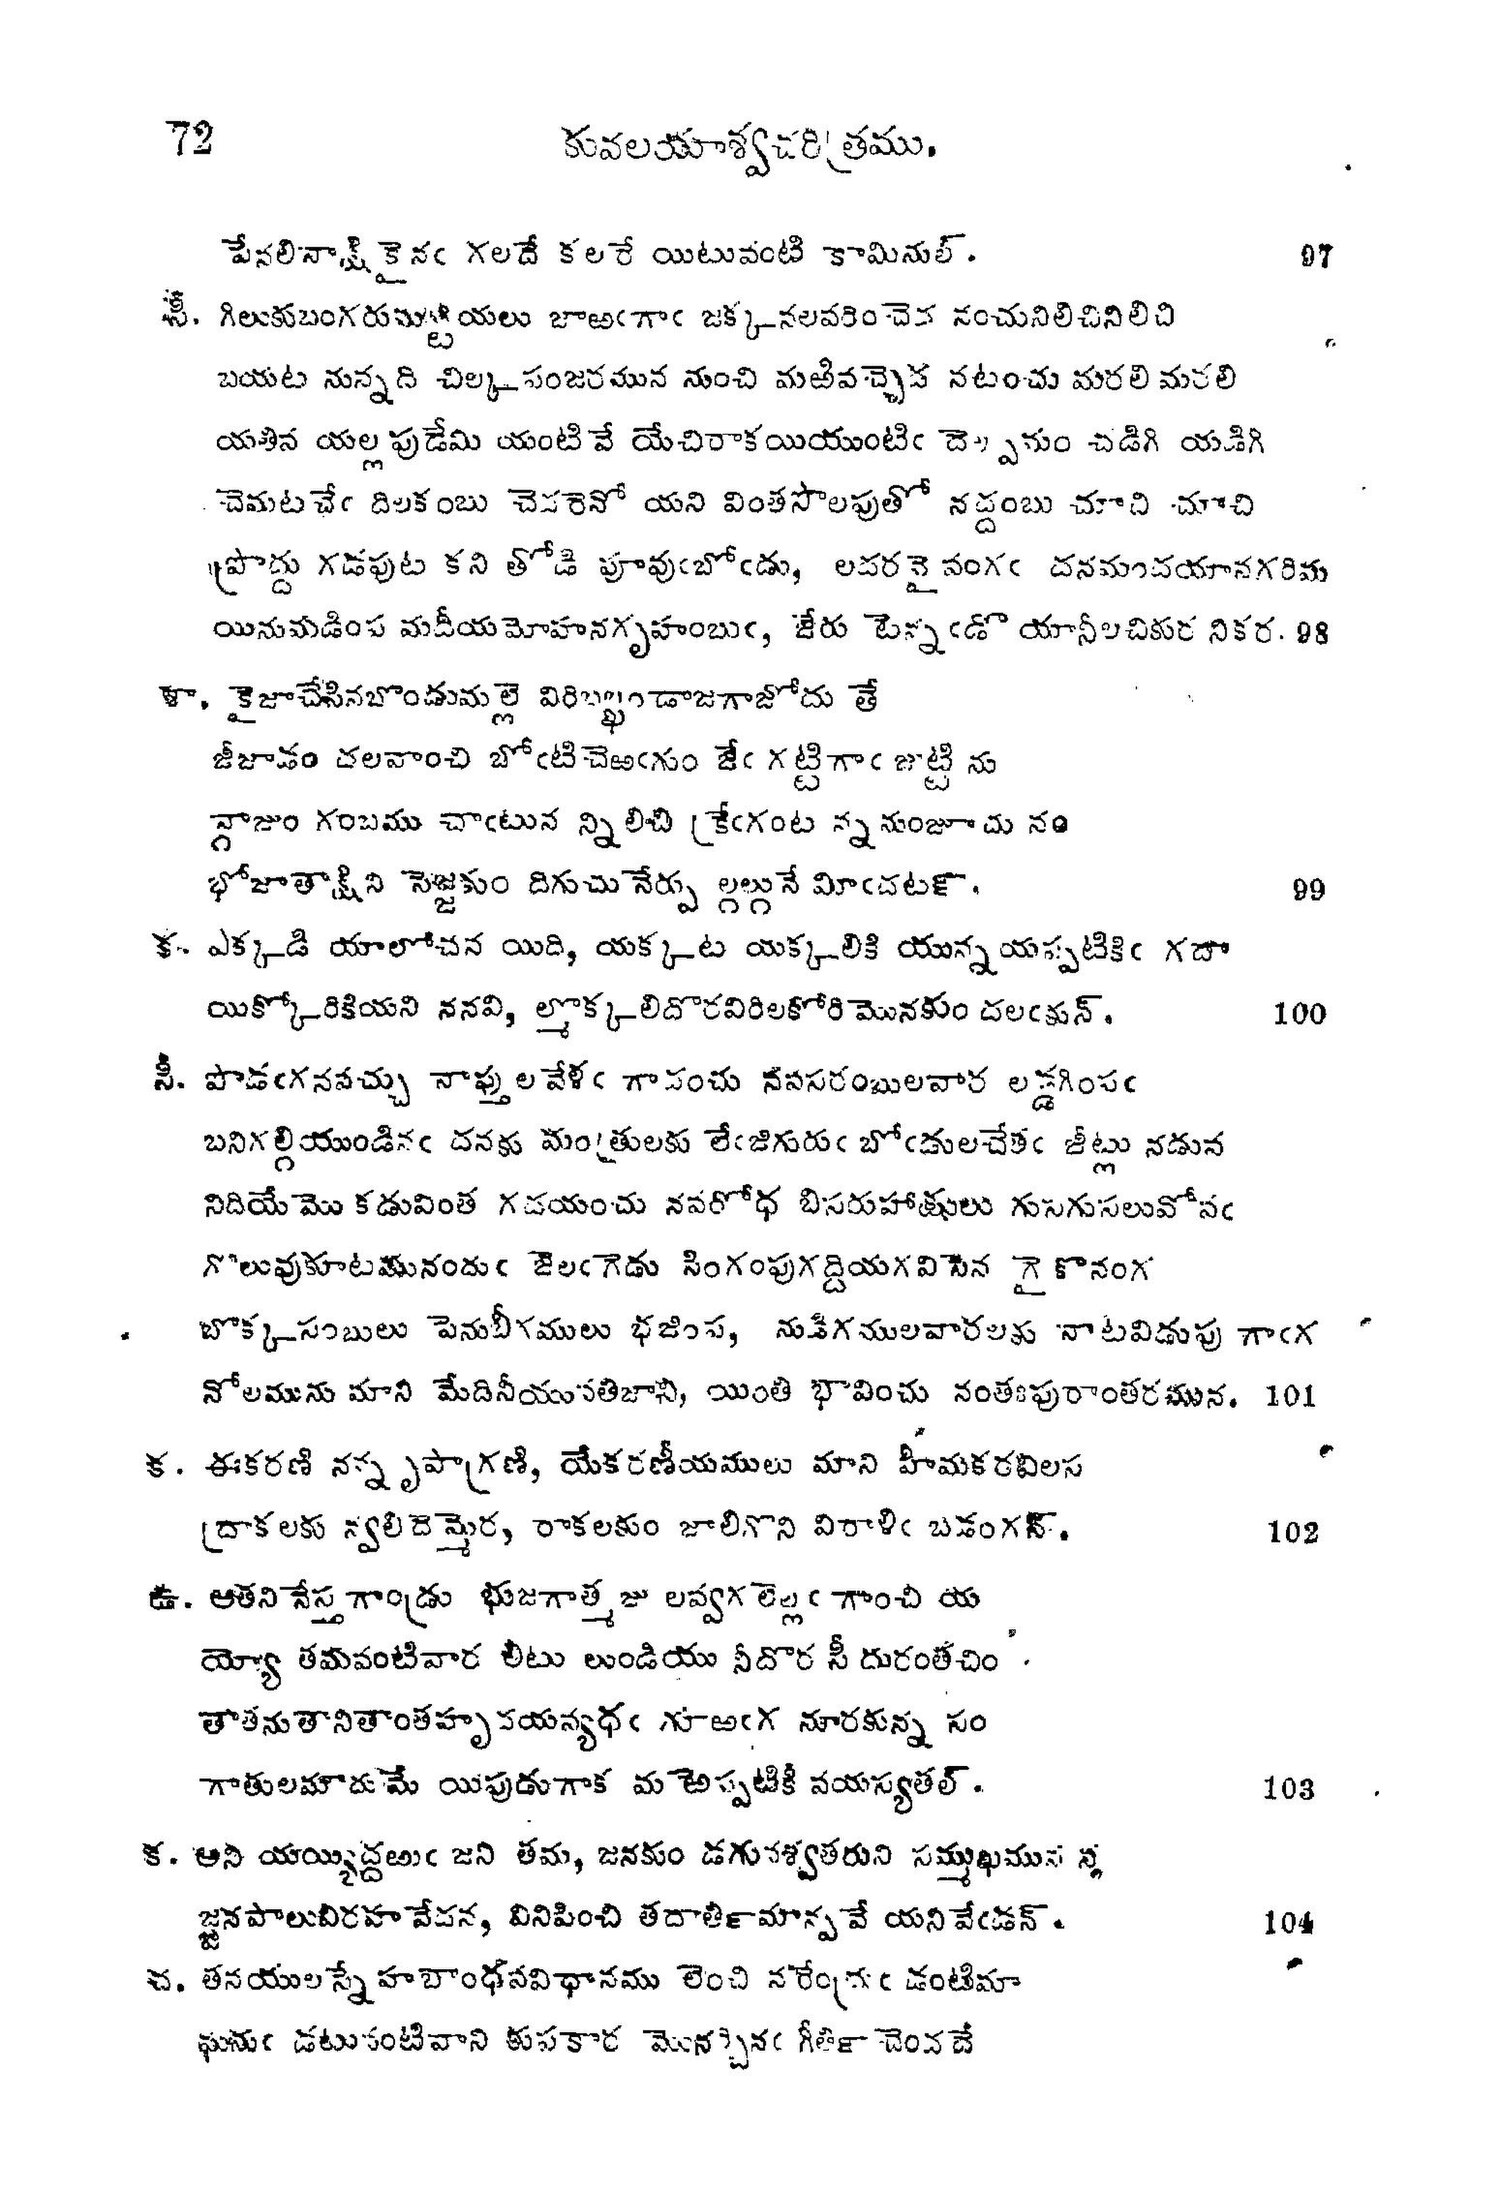పేనలినాక్షికైనఁ గలదే కలరే యిటువంటి కామినుల్.
సీ. గిలుకుబంగరుమట్టియలు జాఱఁగాఁ జక్కనలవరించెద నంచు నిలిచి నిలిచి
బయట నున్నది చిల్క పంజరమున నుంచి మఱివచ్చెద నటంచు మరలి మరలి
యతివ యల్లపుడేమి యంటివే యే చిరాకయియుంటిఁ దెల్పమం చడిగి యడిగి
చెమటచేఁ దిలకంబు చెదరెనో యని వింతసొలపుతో నద్దంబు చూచి చూచి
ప్రొద్దు గడపుట కని తోడి పూవుఁబోఁడు, లదరవైవంగఁ దనమందయానగరిమ
యినుమడింప మదీయమోహనగృహంబుఁ, జేరు టెన్నఁడొ యానీలచికురనికర.
శా. కైజా చేసిన బొండుమల్లె విరిబల్ఖండాజగాజోదు తే
జీజాడం దలవాంచి బోఁటిచెఱఁగుం జేఁ గట్టిగాఁ జుట్టి ను
న్గాజుం గంబముచాఁటున న్నిలిచి క్రేఁగంట న్ననుం జూచు నం
భోజాతాక్షిని సెజ్జకుం దిగుచు నేర్పు ల్గల్గు నేమీఁదటన్.
క. ఎక్కడి యాలోచన యిది, యక్కట యక్కలికి యున్నయపపటికిఁ గదా
యిక్కోరికియని ననవి, ల్మొక్కలిదొరవిరిలకోరిమొనకుం దలఁకున్.
సీ. పొడఁగననచ్చు నాప్తులవేళఁ గాదంచు నవసరంబులవార లడ్డగింపఁ
బనిగల్గియుండినఁ దనకు మంత్రులకు లేఁజిగురుఁబోఁడులచేతఁ జీట్లు నడున
నిదియేమొ కడువింత గదయంచు నవరోధబిసరుహాక్షులు గుసగుసలు వోవఁ
గొలువుకూటమునందుఁ జెలఁగెడు సింగంపుగద్దియ గవిసెన గైకొనంగ
బొక్కసంబులు పెనుబీగములు భజింప, నుడిగములవారలకు నాటవిడుపు గాఁగ
నోలమును మాని మేదినీయువతిజాని, యింత భావించు నంతఃపురాంతరమున.
క. ఈ కరణి నన్నృపాగ్రణి, యేకరణీయములు మాని హిమకరవిలస
ద్రాకలకు న్వలిదెమ్మెర, రాకలకుం జాలిగొని విరాళిఁ బడంగన్.
ఉ. అతని నేస్తగాండ్రు భుజగాత్మజు లవ్వగలెల్లఁ గాంచి య
య్యో తమవంటివార లిటు లుండియు నీదొర సీ దురంతచిం
తాతనుతానితాంతహృదయవ్యధఁ గూఱఁగ నూరకున్న సం
గాతులమౌదుమే యిపుడు గాక మఱెప్పటి కీవయస్యతల్.
క. అని యయ్మిద్దఱఁ జని తమ, జనకుం డగు నశ్వతరుని సమ్ముఖమున నీ
జనపాలు విరహవేదన, వినిపించి తదార్తి మాన్పవే యని వేఁడన్.
చ. తనయుల స్నేహబాంధవవిధానము లెంచి నరేంద్రుఁ డంటిమా
ఘనుఁ డటువంటివాని కుపకార మొనర్చినఁ గీర్తి చెందదే